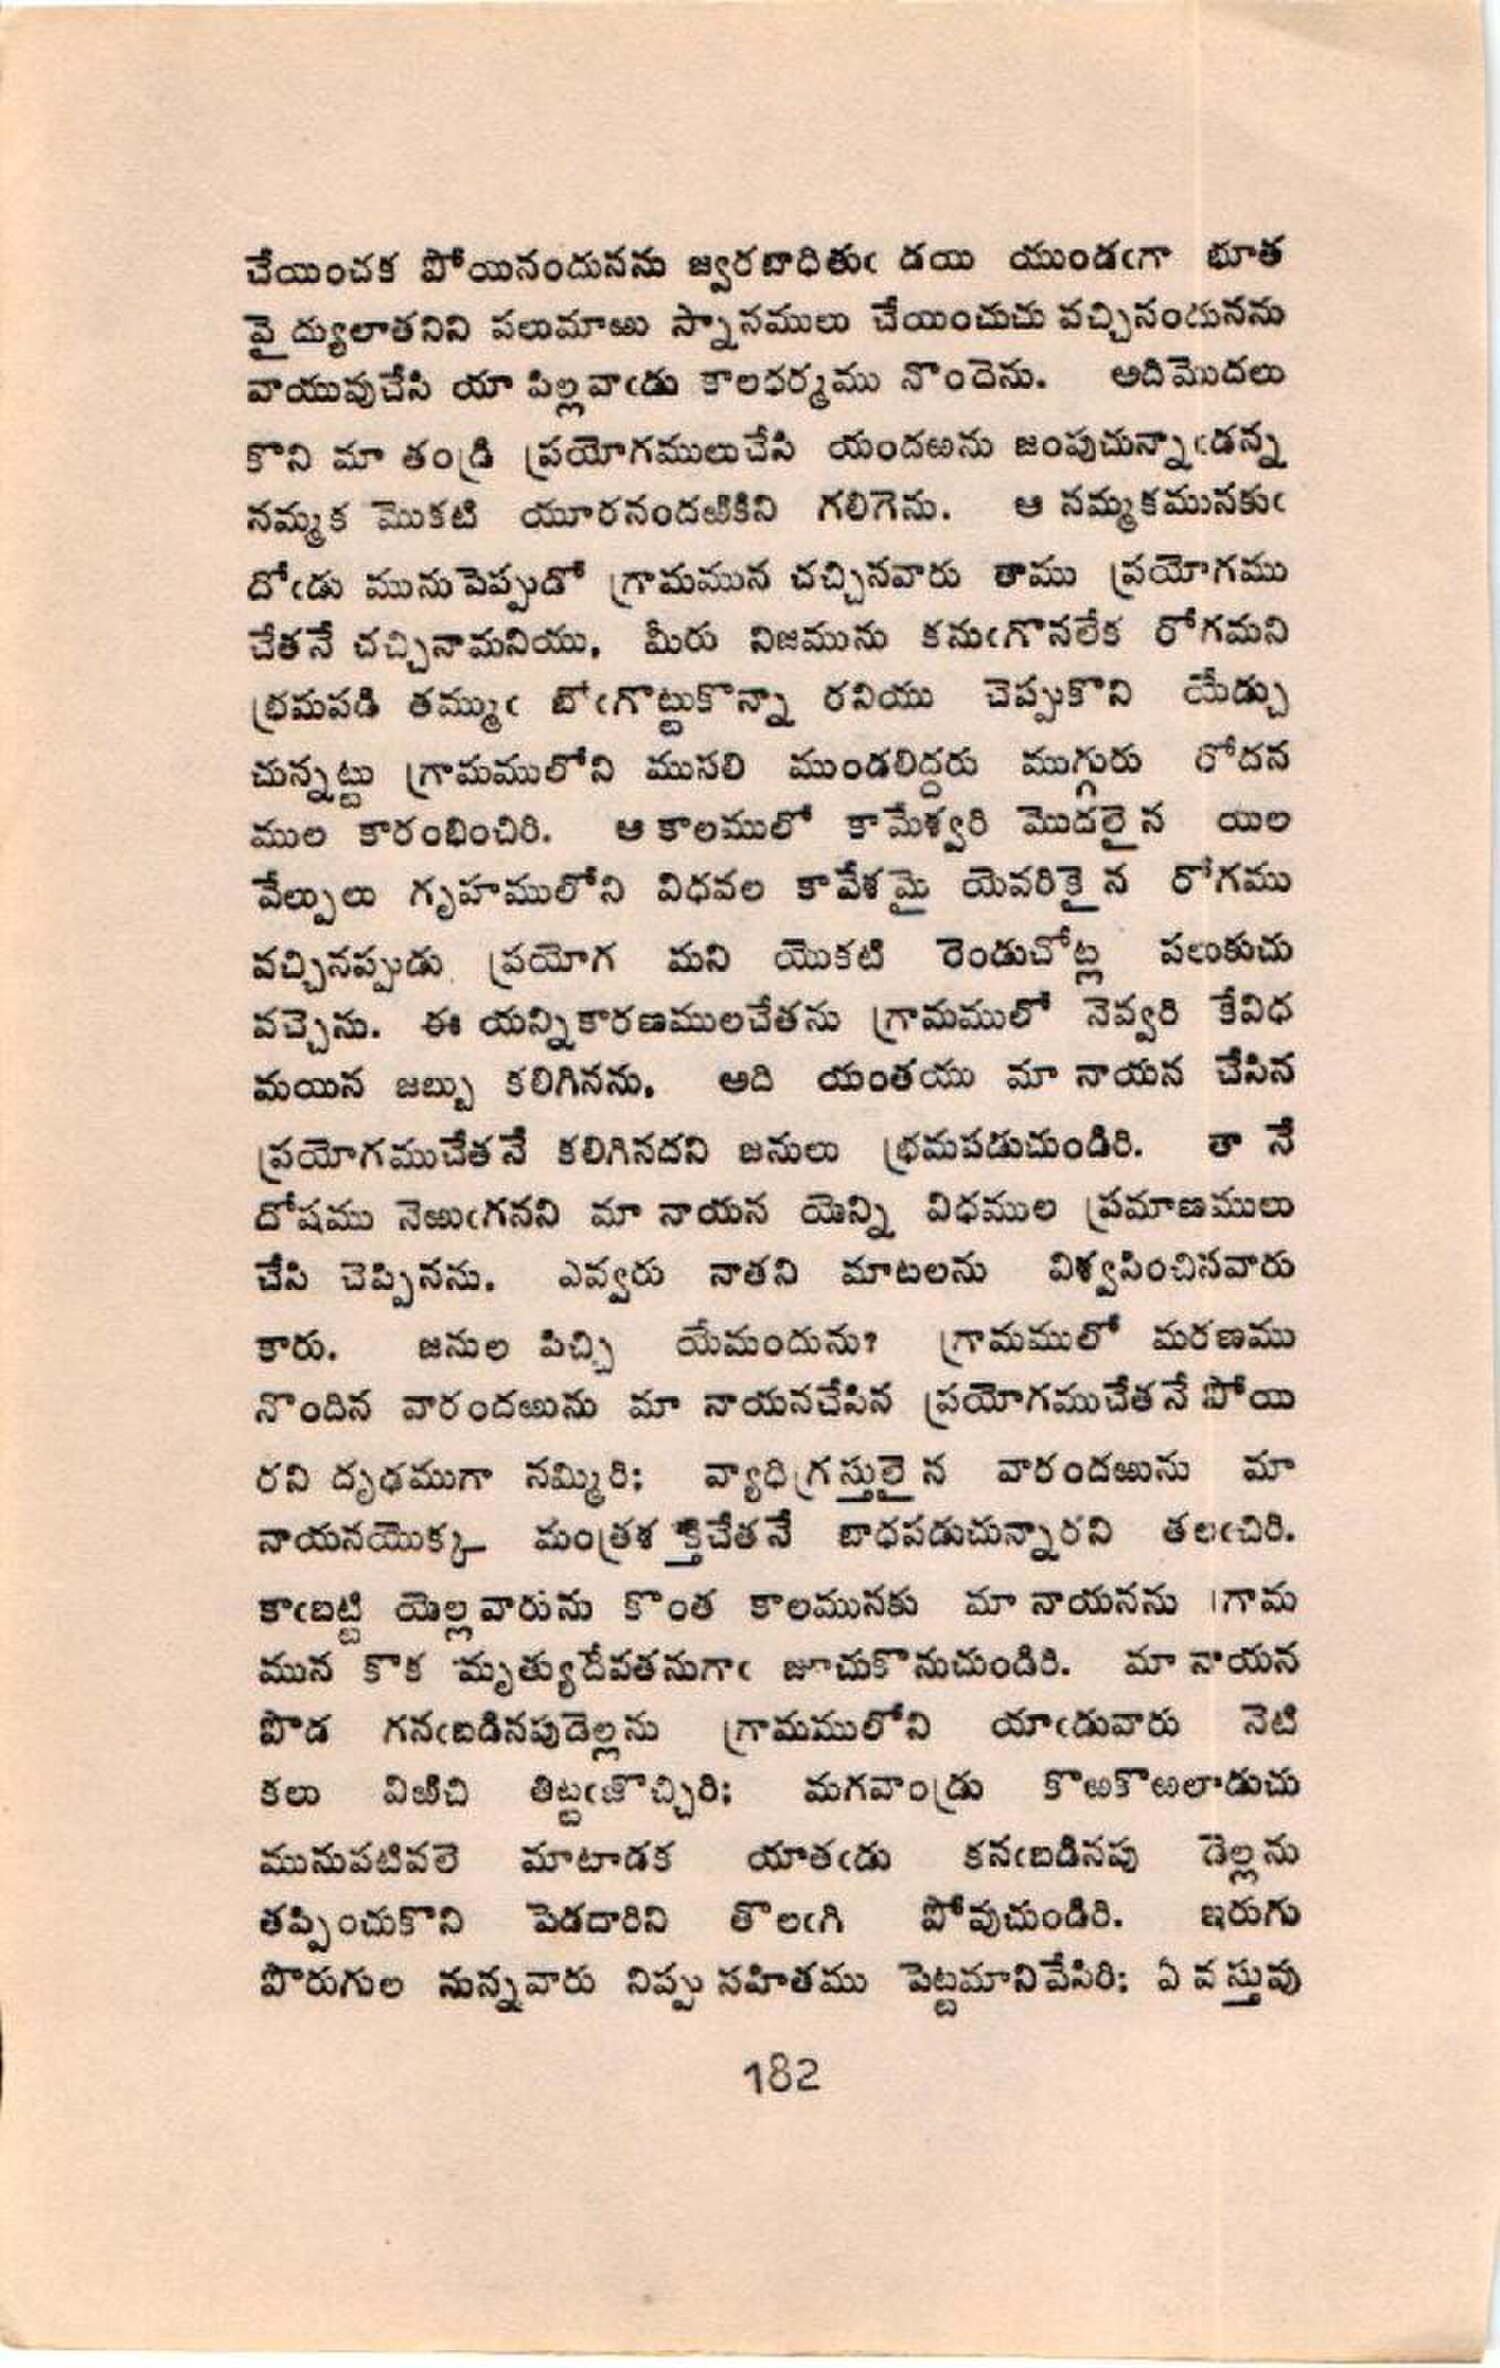చేయించక పోయినందునను జ్వరబాధితుఁ డయి యుండఁగా భూత వైద్యులాతనిని పలుమాఱు స్నానములు చేయించుచు వచ్చినందునను వాయువుచేసి యాపిల్లవాఁడు కాలధర్మము నొందెను. అదిమొదలు కొని మా తండ్రి ప్రయోగములుచేసి యందఱను జంపుచున్నాడన్న నమ్మక మొకటి యూరనందఱికిని గలిగెను. ఆ నమ్మకమునకుఁ దోఁడు మునుపెప్పుడో గ్రామమున చచ్చినవారు తాము ప్రయోగము చేతనే చచ్చినామనియు, మీరు నిజమును కనుఁగొనలేక రోగమని భ్రమపడి తమ్ముఁ బోఁగొట్టుకొన్నా రనియు చెప్పుకొని యేడ్చు చున్నట్టు గ్రామములోని ముసలి మండలిద్దరు ముగ్గురు రోదనముల కారంభించిరి. ఆ కాలములో కామేశ్వరి మొదలైన యిల వేల్పులు గృహములోని విధవల కావేశమై యెవరికైన రోగము వచ్చినప్పడు ప్రయోగ మని యొకటి రెండుచోట్ల పలుకుచు వచ్చెను. ఈ యన్నికారణములచేతను గ్రామములో నెవ్వరి కేవిధ మయిన జబ్బు కలిగినను, అది యంతయు మా నాయన చేసిన ప్రయోగముచేతనే కలిగినదని జనులు భ్రమపడుచుండిరి. తానే దోషము నెఱుఁగనని మా నాయన యెన్ని విధముల ప్రమాణములు చేసి చెప్పినను. ఎవ్వరు నాతని మాటలను విశ్వసించినవారు కారు. జనుల పిచ్చి యేమందును? గ్రామములో మరణము నొందిన వారందఱును మా నాయనచేసిన ప్రయోగముచేతనే పోయి రని దృఢముగా నమ్మిరి; వ్యాధిగ్రస్తులైన వారందఱును మా నాయనయొక్క మంత్రశక్తిచేతనే బాధపడుచున్నారని తలఁచిరి. కాబట్టి యెల్లవారును కొంత కాలమునకు మా నాయనను గ్రామమున కొక మృత్యుదేవతనుగాఁ జూచుకొనుచుండిరి. మా నాయన పొడ గనఁబడినపుడెల్లను గ్రామములోని యాఁడువారు నెటి కలు విఱిచి తిట్టఁజొచ్చిరి; మగవాండ్రు కొఱకొఱలాడుచు మునుపటివలె మాటాడక యాతఁడు కనఁబడినపు డెల్లను తప్పించుకొని పెడదారిని తొలగి పోవుచుండిరి. ఇరుగు పొరుగుల నున్నవారు నిప్పు సహితము పెట్టమానివేసిరి; ఏ వస్తువు